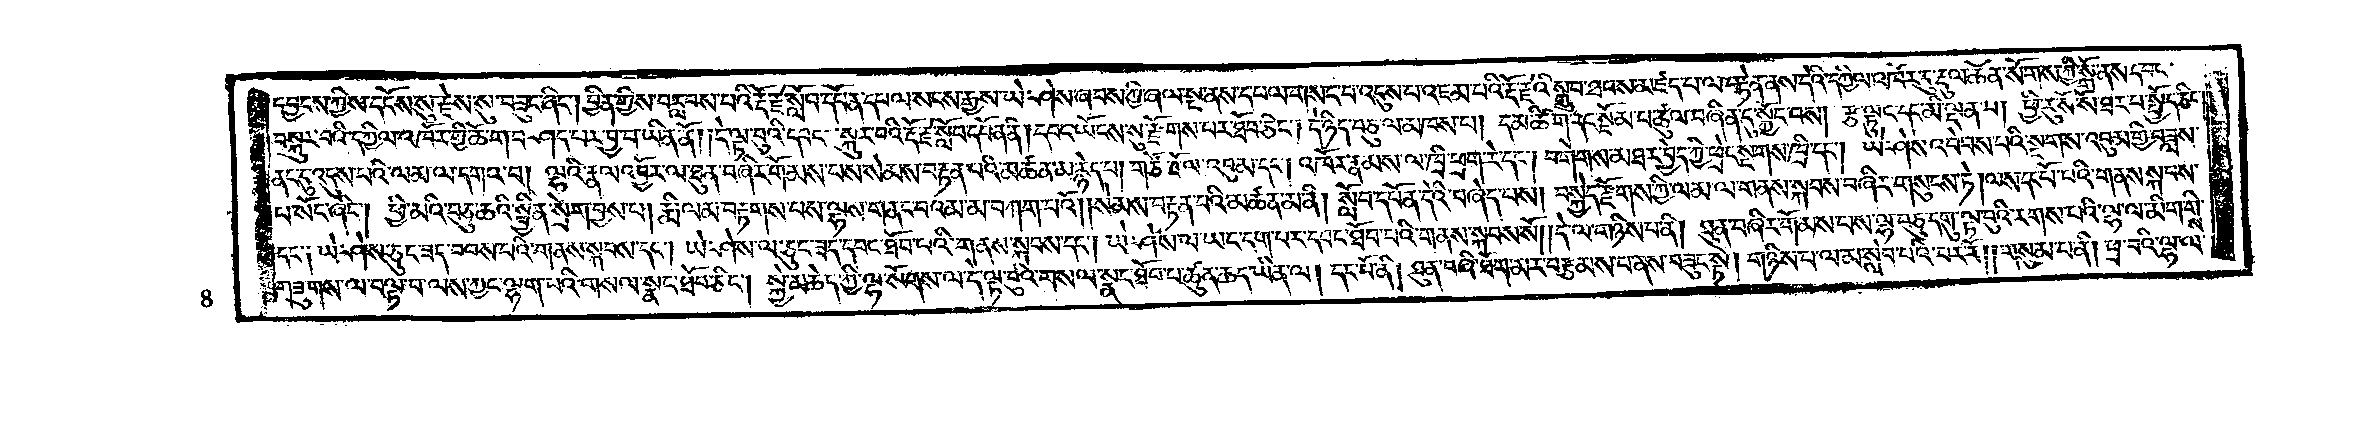དབྱངས་ཀྱིས་དངོས་སུ་རྗེས་སུ་བཟུང་ཞིང་། བྱིན་གྱིས་བརླབས་པའི་རྡོ་རྗེ་སློབ་དཔོན་དཔལ་སངས་རྒྱས་ཡེ་ཤེས་ཞབས་ཀྱི་ཞལ་སྔ་ནས་དཔལ་གསང་བ་འདུས་པ་འཇམ་པའི་རྡོ་རྗེའི་སྒྲུབ་ཐབས་མཛད་པ་ལ་བརྟེན་ནས་དེའི་དཀྱིལ་འཁོར་དུ་རྡུལ་ཚོན་སོགས་ཀྱི་སྒྲོ་ནས་དབང་
བསྐུར་བའི་དཀྱིལ་འཁོར་གྱི་ཆོ་ག་བཤད་པར་བྱ་བ་ཡིན་ནོ། །དེ་ལྟ་བུའི་དབང་སྐུར་བའི་རྡོ་རྗེ་སློབ་དཔོན་ནི། དབང་ཡོངས་སུ་རྫོགས་པར་ཐོབ་ཅིང་། དེ་ཉིད་བཅུ་ལ་མཁས་པ། དམ་ཚིག་རང་སྡོམ་པ་ཚུལ་བཞིན་དུ་སྐྱོང་བས། རྩ་ལྟུང་དང་མི་ལྡན་པ། ཕྱི་རུ་སོ་སོ་ཐར་པ་སྤྱོད་ཅིང་
ནང་དུ་འདུས་པའི་ལམ་ལ་དགའ་བ། ལྷའི་རྣལ་འབྱོར་ལ་ཐུན་བཞིར་གོམས་པས་སེམས་བརྟན་པའི་མཚན་མ་རྙེད་པ། གཙོ་བོ་ལ་འབུམ་དང་། འཁོར་རྣམས་ལ་ཁྲི་ཕྲག་རེ་དང་། བགེགས་མཐར་བྱེད་ཀྱི་ཕྲེང་སྔགས་ཁྲི་དང་། ཡེ་ཤེས་འབེབས་པའི་སྔགས་འབུམ་གྱི་བཟླས་
པ་སོང་ཞིང་། ཕྱི་མའི་བཅུ་ཆའི་སྦྱིན་སྲེག་བྱས་པ། རྨི་ལམ་བརྟགས་པས་ལྷས་གནང་བའམ་མ་བཀག་པའོ། །སེམས་བརྟན་པའི་མཚན་མ་ནི། སློབ་དཔོན་དེའི་བཞེད་པས། བསྐྱེད་རྫོགས་ཀྱི་ལམ་ལ་གནས་སྐབས་བཞིར་གསུངས་ཏེ། ལས་དང་པོ་པའི་གནས་སྐབས་
དང༑ ཡེ་ཤེས་ཅུང་ཟད་བབས་པའི་གནས་སྐབས་དང་། ཡེ་ཤེས་ལ་ཅུང་ཟད་དབང་ཐོབ་པའི་གནས་སྐབས་དང་། ཡེ་ཤེས་ལ་ཡང་དག་པར་དབང་ཐོབ་པའི་གནས་སྐབས་སོ། །དེ་ལ་གཉིས་པ་ནི། ཐུན་བཞིར་གོམས་པས་ལྷ་བཅུ་དགུ་ལྟ་བུའི་རགས་པའི་ལྷ་ལ་མིག་གིས་
གཟུགས་ལ་བལྟ་བ་ལས་ཀྱང་ལྷག་པའི་གསལ་སྣང་ཐོབ་ཅིང་། སྐྱེ་མཆེད་ཀྱི་ལྷ་སོགས་ལ་དེ་ལྟ་བུའི་གསལ་སྣང་ཐོབ་པ་ཚུན་ཆད་ཡིན་ལ། དང་པོ་ནི། ཐུན་པའི་ཐོག་མར་བརྩམས་པ་ནས་བཟུང་སྟེ། གཉིས་པ་ལ་མ་སླེབ་པའི་བར་རོ། །གསུམ་པ་ནི། ཕྲ་བའི་ལྷ་ལ་